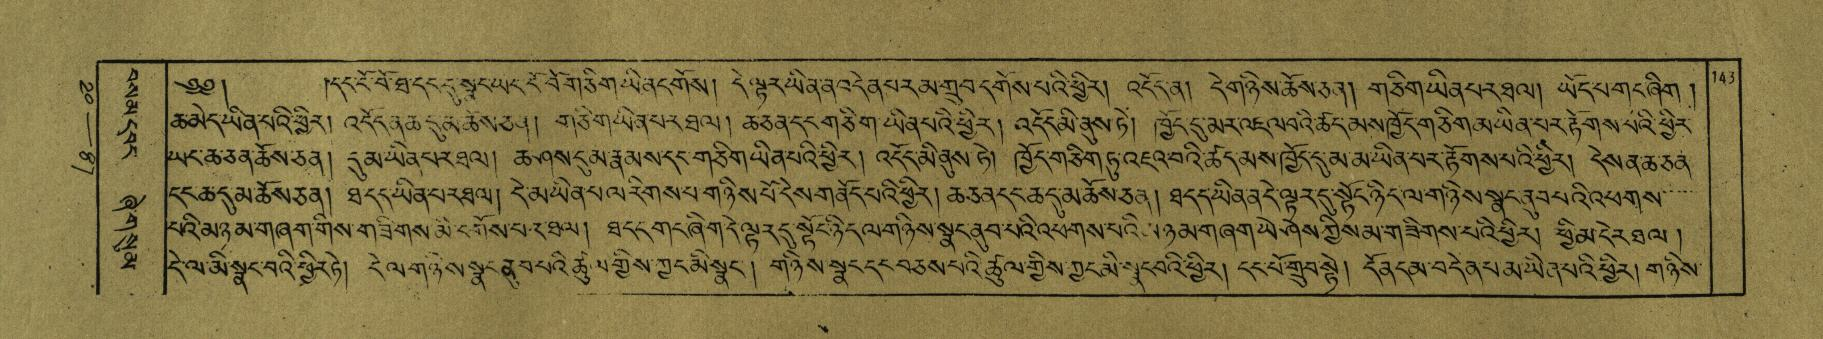༄༅། །དང་ངོ་བོ་ཐ་དད་དུ་སྣང་ཡང་ངོ་བོ་གཅིག་ཡིན་དགོས། དེ་ལྟར་ཡིན་ན་བདེན་པར་མ་གྲུབ་དགོས་པའི་ཕྱིར། འདོད་ན། དེ་གཉིས་ཆོས་ཅན། གཅིག་ཡིན་པར་ཐལ། ཡོད་པ་གང་ཞིག །
ཆ་མེད་ཡིན་པའི་ཕྱིར། འདོད་ན་ཆ་དུ་མ་ཆོས་ཅན། གཅིག་ཡིན་པར་ཐལ། ཆ་ཅན་དང་གཅིག་ཡིན་པའི་ཕྱིར། འདོད་མི་ནུས་ཏེ། ཁྱོད་དུ་མར་འཇལ་བའི་ཚད་མས་ཁྱོད་གཅིག་མ་ཡིན་པར་རྟོགས་པའི་ཕྱིར་
ཡང་ཆ་ཅན་ཆོས་ཅན། དུ་མ་ཡིན་པར་ཐལ། ཆ་ཤས་དུ་མ་རྣམས་དང་གཅིག་ཡིན་པའི་ཕྱིར། འདོད་མི་ནུས་ཏེ། ཁྱོད་གཅིག་ཏུ་འཇའ་བའི་ཚད་མས་ཁྱོད་དུ་མ་མ་ཡིན་པར་རྟོགས་པའི་ཕྱིར། དེས་ན་ཆ་ཅན་
དང་ཆ་དུ་མ་ཆོས་ཅན། ཐ་དད་ཡིན་པར་ཐལ། དེ་མ་ཡིན་པ་ལ་རིགས་པ་གཉིས་པོ་དེས་གནོད་པའི་ཕྱིར། ཆ་ཅན་དང་ཆ་དུ་མ་ཆོས་ཅན། ཐ་དད་ཡིན་ན་དེ་ལྟར་དུ་སྟོང་ཉིད་ལ་གཉིས་སྣང་ནུབ་པའི་འཕགས་
པའི་མཉམ་གཞག་གིས་གཟིགས་མི་དགོས་པར་ཐལ། ཐ་དད་གང་ཞིག་དེ་ལྟར་དུ་སྟོང་ཉིད་ལ་གཉིས་སྣང་ནུབ་པའི་འཕགས་པའི་མཉམ་གཞག་ཡེ་ཤེས་ཀྱིས་མ་གཟིགས་པའི་ཕྱིར། ཕྱི་མ་དེར་ཐལ།
དེ་ལ་མི་སྣང་བའི་ཕྱིར་ཏེ། དེ་ལ་གཉིས་སྣང་ནུབ་པའི་ཚུལ་གྱིས་ཀྱང་མི་སྣང་། གཉིས་སྣང་དང་བཅས་པའི་ཚུལ་གྱིས་ཀྱང་མི་སྣང་བའི་ཕྱིར། དང་པོ་གྲུབ་སྟེ། དོན་དམ་བདེན་པ་མ་ཡིན་པའི་ཕྱིར། གཉིས་